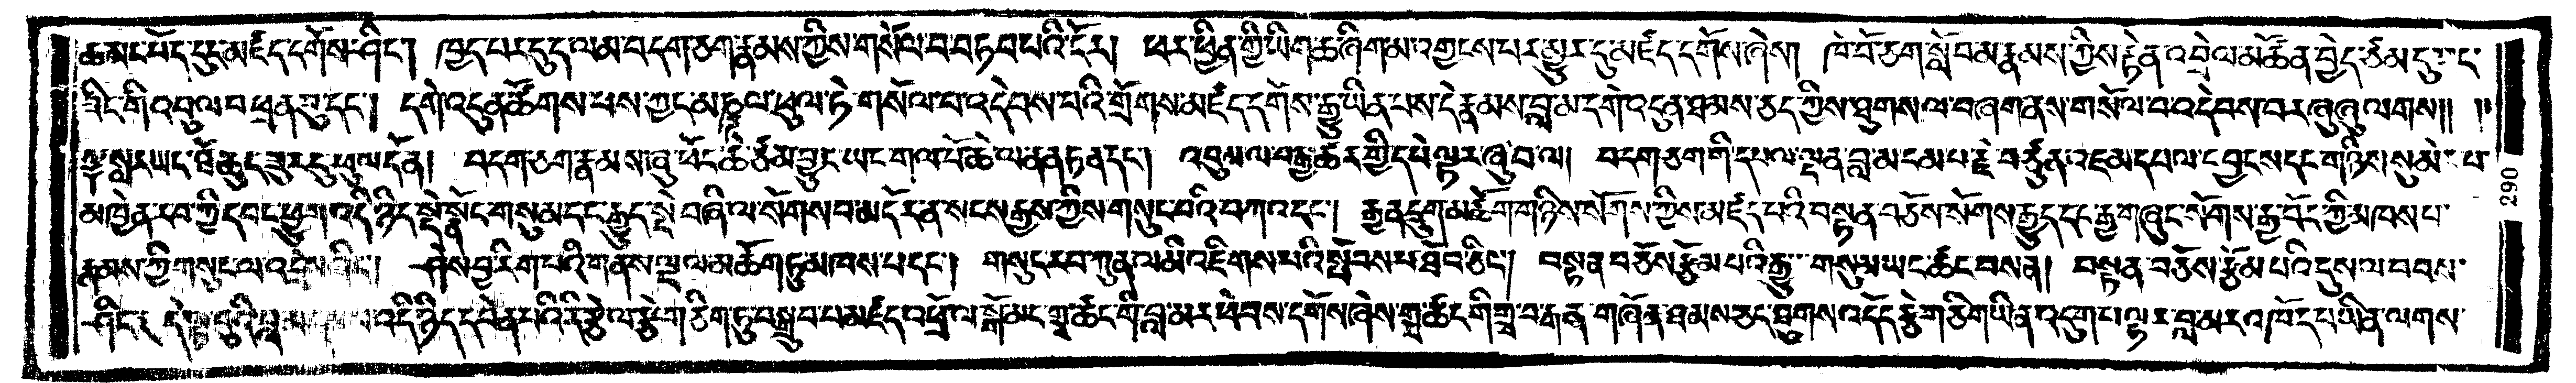ཆ་མང་པོད་དུད་མཛད་དགོས་ཤིང་། ཁྱད་པར་དུད་ལམ་བདག་ཅག་རྣམས་ཀྱིས་གསོལ་བ་བཏབ་པའི་ངོར། ཕར་ཕྱིན་གྱི་ཡིག་ཆ་ཞིག་མ་འགྱངས་པར་མྱུར་དུ་མཛད་དགོས་ཞེས། ཁེ་བོ་ཅག་སློབ་མ་རྣམས་ཀྱིས་རྟེན་འབྲེལ་མཚོན་བྱེད་ཙམ་དུ་བང?
ཟིང་གི་འབུལ་འཕྲན་བུ་དང་། དགེ་འདུན་ཚོགས་པས་ཀྱང་མཎྜལ་ཕུལ་ཏེ་གསོལ་བ་འདེབས་པའི་གྲོགས་མཛད་དགོས་རྒྱུ་ཡིན་པས་དེ་རྣམས་བླ་མ་དགེ་འདུན་ཐམས་ཅད་ཀྱིས་ཐུགས་ལ་བཞག་ནས་གསོལ་བ་འདེབས་བར་ཞུ་ཞུ་ལགས།། །།
༈ སླར་ཡང་ཐོ་ཆུང་ཟུར་དུ་ཕུལ་དོན། བདག་ཅག་རྣམས་ཞུ་ཕོང་ཆེ་ཙམ་བྱུང་ཡང་གལ་པོ་ཆེ་ལ་ནན་ཏན་དང་། འབུལ་བ་བརྒྱ་ཆར་གྱི་དཔེ་ལྟར་ཞུ་བ་ལ། བདག་ཅག་གི་དཔལ་ལྡན་བླ་མ་དམ་པ་རྗེ་བཙུན་འཇམ་དཔལ་དབྱངས་དང་གཉིས་སུ་མེ་པ་
མཁྱེན་རབ་ཀྱི་དབང་ཕྱུག་འདི་ཉིད་སྡེ་སྣོང་གསུམ་དང་རྒྱུད་སྡེ་བཞི་ལ་སོགས་བ་མདོར་ན་སངས་རྒྱས་ཀྱིས་གསུངས་པའི་བཀའ་དང་། རྒྱན་དྲུག་མཆོག་གཉིས་སོགས་ཀྱིས་མཛད་པའི་བསྟན་བཅོས་སོགས་རྒྱུད་དང་རྒྱ་གཞུང་སོགས་རྒྱ་བོད་ཀྱི་མཁས་པ་
རྣམས་ཀྱི་གསུང་ལ་འདྲེས་པིང?། ཤེས་བྱ་རིག་པའི་གནས་ལྔ་ལ་མཆོག་ཏུ་མཁས་པ་དང་། གསུང་རབ་ཀུན་ལ་མི་འཇིགས་པའི་སྤོབས་པ་ཐོབ་ཅིང་། བསྟན་བཅོས་རྩོམ་པའི་རྒྱུ་གསུམ་ཡང་ཚང་བསན། བསྟན་བཅོས་རྩོམ་པའི་འདུས་ལ་བབས་
ཤིང་། དེ་ལྟ་བུའི་བླ་མ་དམ་པ?་འདི་ཉིད་དབེན་པའི་རི་རྩེལ་རྩེ་གཅིག་ཏུ་བསྒྲུབ་པ་མཛད་པ་འཕྲོ་ལ་སྒོ་མང་གྲྭ་ཚང་གི་བླ་མར་ཕེབས་དགོས་ཞེས་གྲྭ་ཚང་གི་གྲྭ་བ་རྒན་གཞོན་ཐམས་ཅད་ཐུགས་འདོད་རྩེ་གཅིག་ཡིན་འདུག་པ་ལྟར་བླ་མར་འཁོད་པ་ཡིན་ལགས་